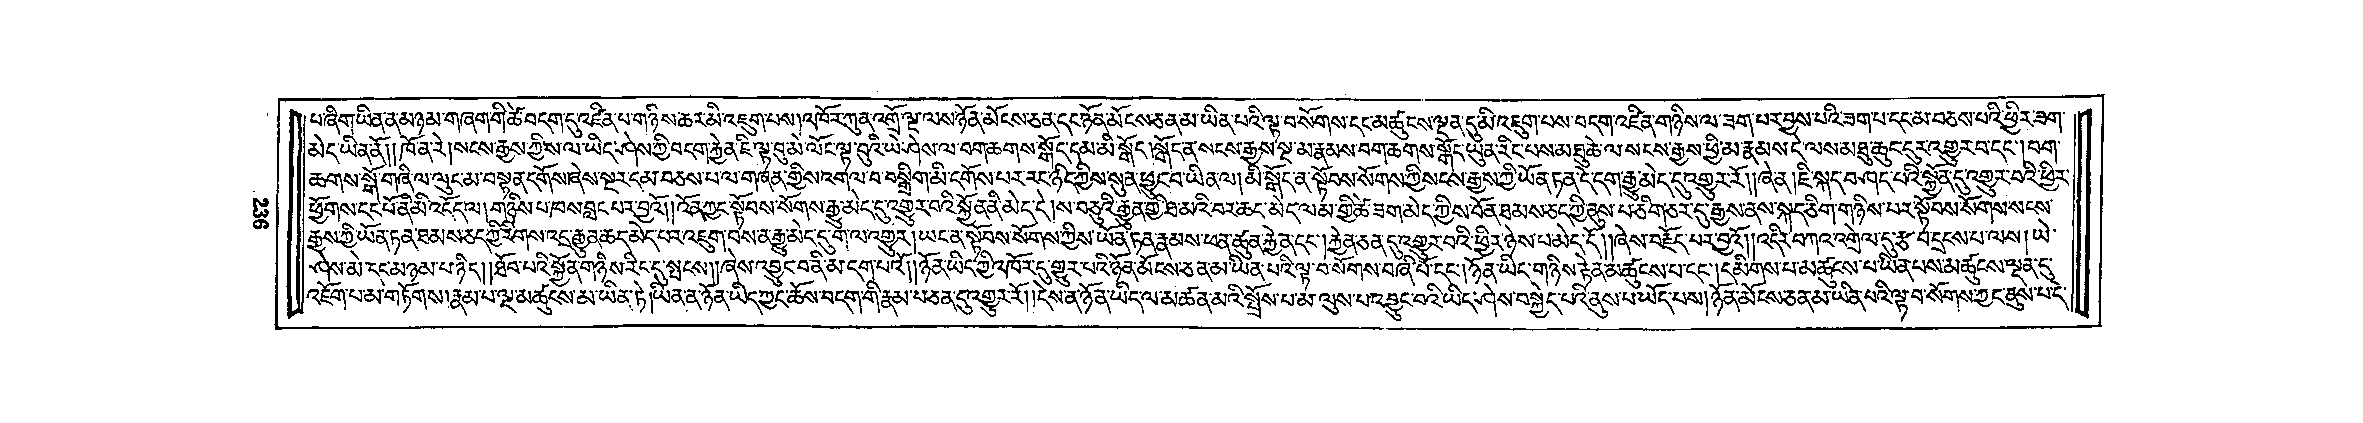པ་ཞིག་ཡིན་ན་མཉམ་གཞག་གི་ཚེ་བདག་དུ་འཛིན་པ་གཉིས་ཆར་མི་འཇུག་པས། འཁོར་ཀུན་འགྲོ་ལྔ་ལས་ཉོན་མོངས་ཅན་དང་ཉོན་མོངས་ཅན་མ་ཡིན་པའི་ལྟ་བ་སོགས་དང་མཚུངས་ལྡན་དུ་མི་འཇུག་པས་བདག་འཛིན་གཉིས་ལ་ཟག་པར་བྱས་པའི་ཟག་པ་དང་མ་བཅས་པའི་ཕྱིར་ཟག་
མེད་ཡིན་ནོ། །ཁོ་ན་རེ། སངས་རྒྱས་ཀྱིས་ལ་ཡིད་ཤེས་ཀྱི་བདག་རྐྱེན་ཇི་ལྟ་བུ་མེ་ལོང་ལྟ་བུའི་ཡེ་ཤེས་ལ་བག་ཆགས་སྒོད་དམ་མི་སྒོང་། སྒོང་ན་སངས་རྒྱས་སྔ་མ་རྣམས་བག་ཆགས་སྒོད་ཡུན་རིང་པས་མཐུ་ཆེ་ལ་སངས་རྒྱས་ཕྱི་མ་རྣམས་དེ་ལས་མཐུ་ཆུང་ངུར་འགྱུར་བ་དང་། བག་
ཆགས་སྒོ་གཞི་ལ་ལུང་མ་བསྟན་དགོས་ཞེས་སྔར་དམ་བཅས་པ་ལ་གཞན་གྱིས་འགལ་བ་བསྒྲིག་མི་དགོས་པར་རང་ཉིད་ཀྱིས་སུན་ཕྱུང་བ་ཡིན་ལ། མི་སྒོད་ན་སྟོབས་སོགས་ཀྱི་སངས་རྒྱས་ཀྱི་ཡོན་ཏན་དེ་དག་རྒྱུ་མེད་དུ་འགྱུར་རོ། །ཞེ་ན། ཇི་སྐད་བཤད་པའི་སྐྱོན་དུ་འགྱུར་བའི་ཕྱིར་
ཕྱོགས་དང་པོ་ནི་མི་འདོད་ལ། གཉིས་པ་ཁས་བླང་པར་བྱའོ། །འོན་ཀྱང་སྟོབས་སོགས་རྒྱུ་མེད་དུ་འགྱུར་བའི་སྐྱོན་ནི་མེད་དེ། ས་བཅུའི་རྒྱུན་གྱི་ཐ་མའི་བར་ཆད་མེད་ལམ་གྱི་ཚེ་ཟག་མེད་ཀྱི་ས་བོན་ཐམས་ཅད་ཀྱི་ནུས་པ་ཅིག་ཅར་དུ་རྒྱས་ནས་སྐད་ཅིག་གཉིས་པར་སྟོབས་སོགས་སངས་
རྒྱས་ཀྱི་ཡོན་ཏན་ཐམས་ཅད་ཀྱི་རིགས་འདྲ་རྒྱུན་ཆད་མེད་པར་འཇུག་བས་ན་རྒྱུ་མེད་དུ་ག་ལ་འགྱུར། ཡང་ན་སྟོབས་སོགས་ཀྱིས་ཡོན་ཏན་རྣམས་ཕན་ཚུན་རྐྱེན་དང་། རྐྱེན་ཅན་དུ་འགྱུར་བའི་ཕྱིར་ཉེས་པ་མེད་དོ། །ཞེས་བརྗོད་པར་བྱའོ། །འདིར་བཀའ་འགྲེལ་དུ་རྩ་བ་དྲངས་པ་ལས། ཡེ་
ཤེས་མེ་དང་མཉམ་པ་ཉིད། ཐོབ་པའི་སྐྱོན་གཉིས་རིང་དུ་སྤངས། །ཞེས་འབྱུང་བ་ནི་མ་དག་པའོ། །ཉོན་ཡིད་ཀྱི་འཁོར་དུ་གྱུར་པའི་ཉོན་མོངས་ཅན་མ་ཡིན་པའི་ལྟ་བ་སོགས་བཞི་པོ་དང་། ཉོན་ཡིད་གཉིས་རྟེན་མཚུངས་པ་དང་། དམིགས་པ་མཚུངས་པ་ཡིན་པས་མཚུངས་ལྡན་དུ་
འཇོག་པ་མ་གཏོགས། རྣམ་པ་ལྔ་མཚུངས་མ་ཡིན་ཏེ། ཡིན་ན་ཉོན་ཡིད་ཀྱང་ཆོས་བདག་གི་རྣམ་པ་ཅན་དུ་འགྱུར་རོ། །དེས་ན་ཉོན་ཡིད་ལ་མཚན་མའི་སྤྲོས་པ་མ་ལུས་པ་འབྱུང་བའི་ཡིད་ཤེས་བསྐྱེད་པའི་ནུས་པ་ཡོད་པས། ཉོན་མོངས་ཅན་མ་ཡིན་པའི་ལྟ་བ་སོགས་ཀྱང་ནུས་པ་དེ་